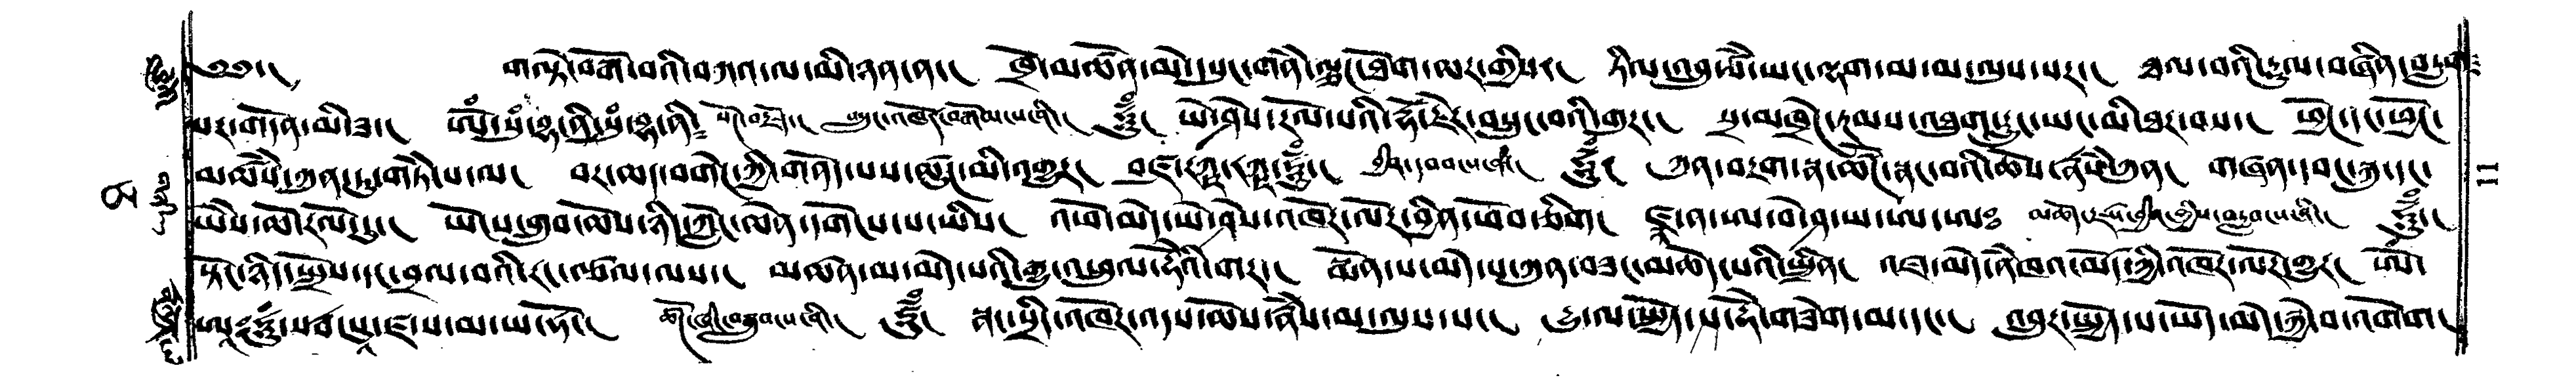།གལ་ཏེ་བསྒོ་བའི་བཀའ་ལ་མི་ཉན་ན། ཁྲོ་མཚོན་མེ་དཔུང་གནམ་ལྕགས་ཐོག་ཆར་གྱིས། །ཏིལ་འབྲུ་ཙམ་ཡང་ལྷག་མ་མ་ལུས་པར། །ཐལ་བའི་རྡུལ་བཞིན་བརླག་
པར་གདོན་མི་ཟ། །ཨོཾ་སུཾ་བྷ་ནི་སུཾ་བྷ་ནི༴ སོགས་བརྗོད། བསྲུང་འཁོར་བསྒོམ་པ་ནི། ཧཱུྃ། ཡེ་ཤེས་རོལ་པའི་རྡོ་རྗེ་སྲུང་བའི་གུར། །སྲ་མཁྲེགས་རྔམས་འཐུག་རླུང་ཡང་མི་ཐར་བས། །ཕྱོགས་དང་ཕྱོགས་
མཚམས་ཀུན་ཏུ་གཏམས་པ་ལ། །བར་ཆད་བགེགས་ཀྱི་གནོད་པས་ཚུགས་མི་འགྱུར། །བཛྲ་རཀྵ་རཀྵ་ཧཱུྃ། བྱིན་དབབ་པ་ནི། ཧཱུྃ། ཀུན་བཏགས་སྣ་ཚོགས་སྣང་བའི་ཆོས་རྣམས་ཀུན། །གཞན་དབང་སྐུ་དང་
ཡེ་ཤེས་ཆོ་རོལ་དུ། །ཡོངས་གྲུབ་ཆོས་ཉིད་ཀློང་ཆེན་དགོངས་པ་ཡིས།འཕོ་མེད་ཡེ་ཤེས་འཁོར་ལོར་བྱིན་ཕོབ་ཅིག ཛྙཱ་ན་ཨ་བེ་ཤ་ཡ་ཨ་ཨ། མཆོད་རྫས་བྱིན་གྱིས་རློབ་པ་ནི། ཧཱུྃ། 
སྟོང་ཉིད་སྤྲོས་དང་བྲལ་བའི་རང་རྩལ་ལས། །མཚན་མ་མེད་པའི་སྒྱུ་འཕྲུལ་རྡོ་རྗེའི་གར། །སྨོན་པ་མེད་པ་ཀུན་བཟང་མཆོད་པའི་སྤྲིན། །འཛད་མེད་ནམ་མཁའ་མཛོད་ཀྱི་འཁོར་ལོར་གྱུར། །ཨོཾ་
ཨཱཿཧཱུྃ་སརྦ་པཱུ་ཛ་ས་མ་ཡ་ཧོཿ ཚོགས་ཞིང་སྒྲུབ་པ་ནི། ཧཱུྃ། སྣང་སྲིད་འཁོར་འདས་ཆོས་རྣམས་མ་ལུས་པ། །རྒྱུ་ལ་དཔྱོད་པ་རྡོ་རྗེ་གཟེགས་མ་དང་། འབྲར་དཔྱོད་པ་ཡོད་མེད་སྐྱེ་བ་འགོག